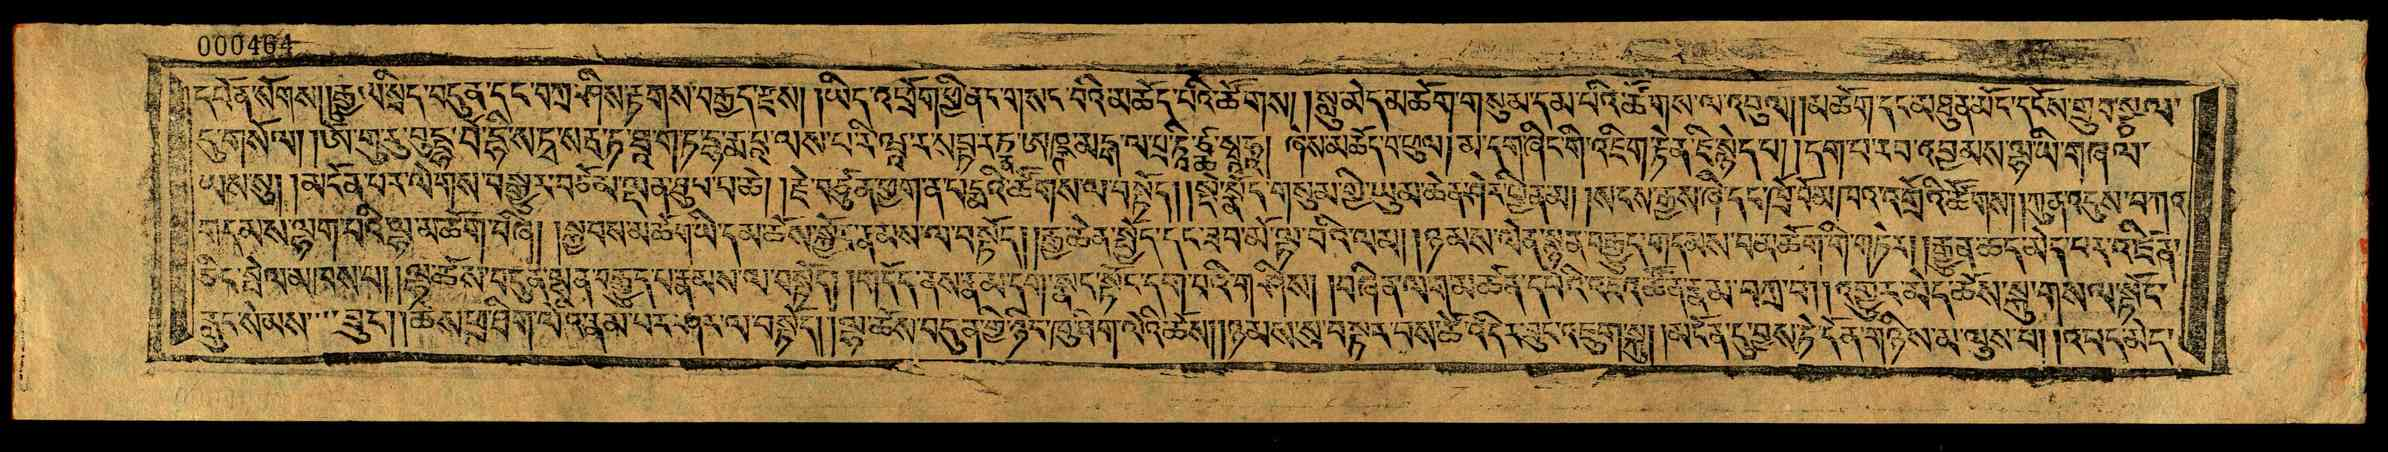དཔོན་སོགས། །རྒྱལ་སྲིད་བདུན་དང་བཀྲ་ཤིས་རྟགས་བརྒྱད་རྫས། །ཡིད་འཕྲོག་ཕྱི་ནང་གསང་བའི་མཆོད་པའི་ཚོགས། །སླུ་མེད་མཆོག་གསུམ་དམ་པའི་ཚོགས་ལ་འབུལ། །མཆོག་དང་མཐུན་མོང་དངོས་གྲུབ་སྩལ་
དུ་གསོལ། །ཨོཾ་གུ་རུ་བུདྡྷ་པོ་དྷི་སཏྭ་སརྦ་ཏ་ཐཱ་ག་ཏ་དྷརྨ་པཱ་ལས་པ་རི་ཝཱ་ར་སཔྟར་ཏཱ་ཨཥྚ་མངྒ་ལ་པྲ་ཏཱི་ཙྪ་སྭཱཧཱ། ཞེས་མཆོད་པ་ཕུལ།  མ་དག་ཞིང་གི་འཇིག་རྟེན་ཇི་སྙེད་པ། །དག་པ་རབ་འབྱམས་ལྷ་ཡི་གཞལ་
ཡས་སུ། །མངོན་པར་ལེགས་བསྒྱུར་བཅོམ་ལྡན་ཐུབ་པ་ཆེ། །རྗེ་བཙུན་ཕྱག་ན་པདམའི་ཚོགས་ལ་བསྟོད། །སྡེ་སྣོད་གསུམ་གྱི་ཡུམ་ཆེན་ཤེར་ཕྱིན་མ། །སངས་རྒྱས་ཞི་དང་ཁྲོ་བོ་མཁའ་འགྲོའི་ཚོགས། །ཀུན་འདུས་བཀའ་
གདམས་ལྷག་པའི་ལྷ་མཆོག་བཞི། །སྐྱབས་མཆོག་ཡི་དམ་ཆོས་སྐྱོང་རྣམས་ལ་བསྟོད། །རྒྱ་ཆེན་སྤྱོད་དང་ཟབ་མོ་ལྟ་བའི་ལམ། །ཉམས་ལེན་སྙེན་བརྒྱུད་གདམས་པ་མཆོག་གི་གཏེར། །རྒྱུན་ཆད་མེད་པར་འཛིན་
ཅིང་སྤེལ་མཁས་པ། །ལྷ་ཆོས་བདུན་ལྡན་བརྒྱུད་པ་རྣམས་ལ་བསྟོད། །གདོད་ནས་རྣམ་དག་སྣང་སྟོང་དག་པའི་གཤོས། །བཞིན་ལག་མཚན་དཔའི་འཇའ་ཚོན་རྣམ་བཀྲ་བ། །འགྱུར་མེད་ཆོས་སྐུ་གསལ་སྟོང་
རླུང་སེམས་ཟུང་། །ཆེས་ཕྲ་ཐིག་ལེའི་རྣམ་པར་ཤར་ལ་བསྟོད། །ལྷ་ཆོས་བདུན་གྱི་ཉིང་ཁུ་ཐིག་ལེའི་ཆོས། །ཉམས་སུ་བསྟར་བས་ཚེ་འདིར་ཟུང་འཇུག་སྐུ། །མངོན་དུ་བྱས་ཏེ་དོན་གཉིས་མ་ལུས་པ། །འབད་མེད་